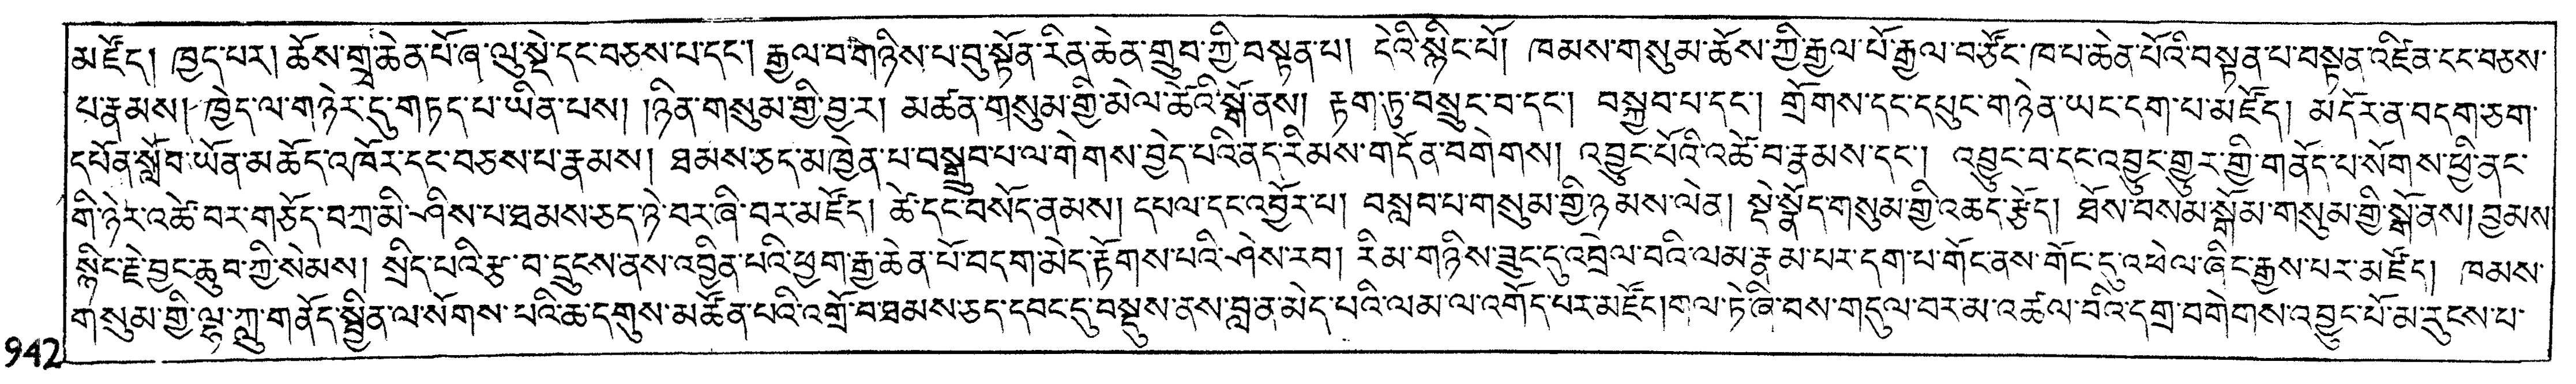མཛོད། ཁྱད་པར། ཆོས་གྲྭ་ཆེན་པོ་ཞ་ལུ་སྡེ་དང་བཅས་པ་དང་། རྒྱལ་བ་གཉིས་པ་བུ་སྟོན་རིན་ཆེན་གྲུབ་ཀྱི་བསྟན་པ། དེའི་སྙིང་པོ། ཁམས་གསུམ་ཆོས་ཀྱི་རྒྱལ་པོ་རྒྱལ་བ་ཙོང་ཁ་པ་ཆེན་པོའི་བསྟན་པ་བསྟན་འཛིན་དང་བཅས་
པ་རྣམས། ཁྱེད་ལ་གཉེར་དུ་གཏད་པ་ཡིན་པས། །ཉིན་གསུམ་གྱི་བྱ་ར། མཚན་གསུམ་གྱི་མེལ་ཚེའི་སྒོ་ནས། རྟག་ཏུ་བསྲུང་བ་དང་། བསྐྱབ་པ་དང་། གྲོགས་དང་དཔུང་གཉེན་ཡང་དག་པ་མཛོད། མདོར་ན་བདག་ཅག་
དཔོན་སློབ་ཡོན་མཆོད་འཁོར་དང་བཅས་པ་རྣམས། ཐམས་ཅད་མཁྱེན་པ་བསྒྲུབ་པ་ལ་གེགས་བྱེད་པའི་ནད་རིམས་གདོན་བགེགས། འབྱུང་པོའི་འཚེ་བ་རྣམས་དང་། འབྱུང་བ་དང་འབྱུང་གྱུར་གྱི་གནོད་པ་སོགས་ཕྱི་ནང་
གི་ཉེར་འཚེ་བར་གཅོད་བཀྲ་མི་ཤིས་པ་ཐམས་ཅད་ཉེ་བར་ཞི་བར་མཛོད། ཚེ་དང་བསོད་ནམས། དཔལ་དང་འབྱོར་པ། བསླབ་པ་གསུམ་གྱི་ཉམས་ལེན། སྡེ་སྣོད་གསུམ་གྱི་འཆད་རྩོད། ཐོས་བསམ་སྒོམ་གསུམ་གྱི་སྒོ་ནས། བྱམས་
སྙིང་རྗེ་བྱང་ཆུབ་ཀྱི་སེམས། སྲིད་པའི་རྩ་བ་དྲུངས་ནས་འབྱིན་པའི་ཕྱག་རྒྱ་ཆེན་པོ་བདག་མེད་རྟོགས་པའི་ཤེས་རབ། རིམ་གཉིས་ཟུང་དུ་འབྲེལ་བའི་ལམ་རྣམ་པར་དག་པ་གོང་ནས་གོང་དུ་འཕེལ་ཞིང་རྒྱས་པར་མཛོད། ཁམས་
གསུམ་གྱི་ལྷ་ཀླུ་གནོད་སྦྱིན་ལ་སོགས་པའི་ཆ་དགུས་མཚོན་པའི་འགྲོ་བ་ཐམས་ཅད་དབང་དུ་བསྡུས་ནས་བླ་ན་མེད་པའི་ལམ་ལ་འགོད་པར་མཛོད། གལ་ཏེ་ཞི་བས་གདུལ་བར་མ་འཚལ་བའི་དགྲ་བགེགས་འབྱུང་པོ་མ་རུངས་པ་